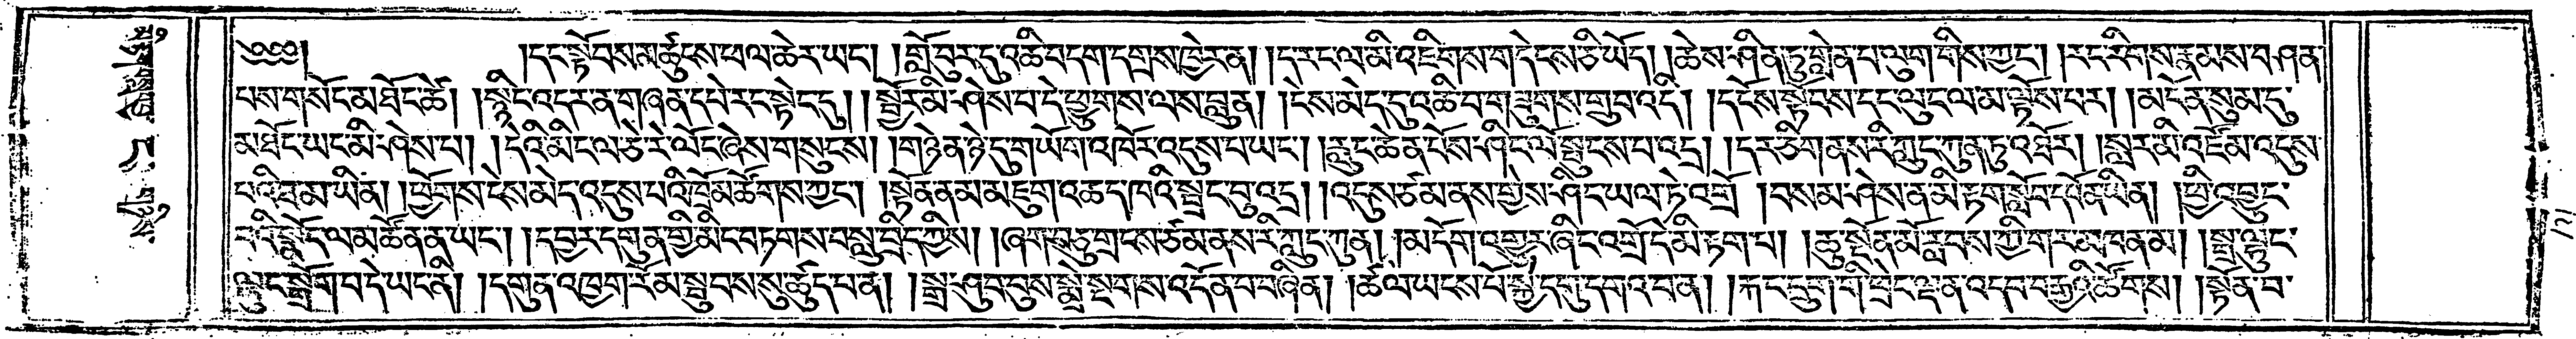༄༅༅། །དང་སྟོབས་མཚུངས་ཕལ་ཆེར་ཡང་། །གློ་བུར་དུ་འཆི་བདག་དགྲས་ཁྱེར་ན། །ད་རང་ལ་མི་འཇིགས་གདེངས་ཅི་ཡོད། །ཆེས་ཤིན་ཏུ་གླེན་པ་ལུག་གིས་ཀྱང་། །རང་རིགས་རྣམས་བཤན་
པས་གསོང་མཐོང་ཚེ། །སྙིང་འདར་ན་གཞན་དཔེ་རང་སྟེང་དུ། །སྦྱོར་མི་ཤེས་པ་དེ་ཕྱུགས་ལས་བླུན། །ངེས་མེད་དུ་འཆི་བ་གཟུགས་གྲུབ་འདི། །དངོས་སྟོབས་དང་ལུང་ལ་མ་ལྟོས་པར། །མངོན་སུམ་དུ་
མཐོང་ཡང་མི་ཤེས་པ། །དེའི་མིང་ལ་ཅེ་རེ་ལོང་ཞེས་གསུངས། །གཉེན་ཉེ་དུ་གཡོག་འཁོར་འདུས་པ་ཡང་། །རླུང་ཆེན་པོས་ཤིང་ལོ་སྥུངས་པ་འདྲ། །དར་ཅིག་ནས་རི་ཀླུང་ཀུན་ཏུ་འཐོར། །སླར་མི་འཛོམ་འདུས་
པའི་ཐ་མ་ཡིན། །ཕྱོགས་ངེས་མེད་འདུས་པའི་ཁྲོམ་ཚོགས་ཀྱང་། །སྟོན་ནམ་མཇུག་འཆད་ཁའི་སྡང?་བུ་འདྲ། །འདུས་ཙམ་ནས་གྱེས་ཤིང་ཡལ་ཏེ་འགྲོ་།བསམ་ཤེས་ན་མི་རྟག་སློབ་དཔོན་ཡིན། །ཕྱི་འབྱུང་
བའི་སྣོད་ལམ་མཚོན་ན་ཡང་། །དབྱར་དགུན་གྱི་མིང་བཏགས་བསླུ་བྲིད་ཀྱིས། །ཞག་བཅུ་གྲངས་ཙམ་ནས་རི་ཀླུང་ཀུན། །མདོག་འགྱུར་ཞིང་འགྲོ་དེ་མི་རྟག་པ། །ཆུ་སྔོན་མོ་རླབས་ཀྱི་གར་མཁན་མ། །སྒྲ་ལྷུང་
ལྷུང་སྒྲོག་བ་དེ་ཡང་ནི། །དགུན་འཁྱག་རོམ་སྦུབས་སུ་ཚུད་པ་ན། །སྒྲ་ཤུབ་བུས་སྨྲེ་སྔགས་འདོན་པ་བཞིན། །ཚལ་ཡངས་པོ་སྐྱེ་དགུ་དགའ་བ་ན། །རྐང་དྲུག་གི་ཕྲེང་ལྡན་འདབ་བརྒྱའི་ཚོགས། །སྟོན་པ་